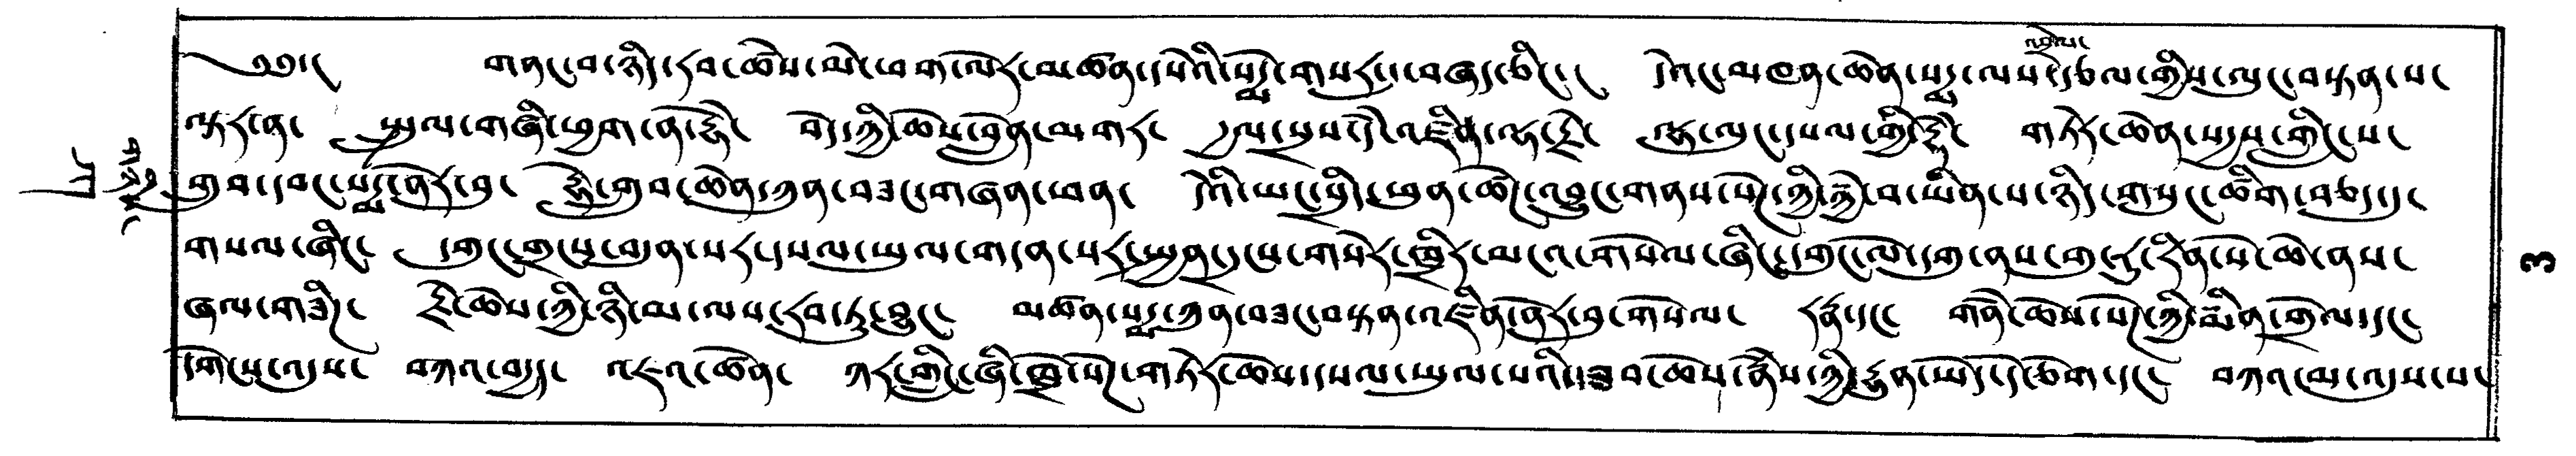གནང་བ་ཉིད་རབ་ཚེས་མེ་ཕག་ལོར་མཚན།དཔེའི་པདྨོ་གསར་དུ་བཞད་ཅིང་། དེའང་མཁན་ཆེན་པདྨ་ལས་འབྲེལ་རྩལ་གྱིས་ལུང་བསྟན་པ་
ལྟར་ན། སྤྲུལ་གཞི་ཕྱག་ན་རྡོ་རྗེ། བོད་ཀྱི་ཆོས་བློན་མགར། རྒྱལ་སྲས་དམ་འཛིན་ལྷ་རྗེ། ལྷ་ལུང་དཔལ་གྱི་རྡོ་རྗེ། གཏེར་ཆེན་སངས་རྒྱས་གླིང་པ། 
གྲུབ་དབང་པདྨ་ནོར་བུ། རྡོ་གྲུབ་ཆེན་ཀུན་བཟང་གཞན་ཕན། དེའི་ཡང་སྲིད་ཕུན་ཚོགས་འབྱུང་གནས་སོགས་ཀྱི་སྐྱེ་བ་ཡིན་པ་ཉིད་ཀྱི་ཞལ་གསུངས་ཚིག་བཅད་དུ་
གསལ་ཞིང་། དགུང་གྲངས་བདུན་པར་དཔལ་ཡུལ་གདན་སར་སྤྱན་དྲངས། གསེར་ཁྲིར་མངའ་གསོལ་ཞིང་དགུང་ལོ་དགུའི་སྐབས་གུ་རུ་རིན་པོ་ཆེ་ནས་
ཞལ་གཟིགས། རྗེ་ཆོས་ཀྱི་ཉི་མ་ལས་རབ་ཏུ་བྱུང་། མཚན་པདྨ་ཀུན་བཟང་བསྟན་འཛིན་ནོར་བུ་གསོལ། རཏྣ་དང་གནམ་ཆོས་སོགས་ཀྱི་སྨིན་གྲོལ་དང་། 
དགོངས་འདུས། བཀའ་བརྒྱད། འཇའ་ཚོན། ཀར་གླིང་ཞི་ཁྲོ་སོགས་དཔལ་ཡུལ་བའི་ཟབ་ཆོས་རྣམས་ཀྱི་རྒྱུན་ཡོད་དོ་ཅོག་དང་། བཀའ་མ་འདུས་པ་